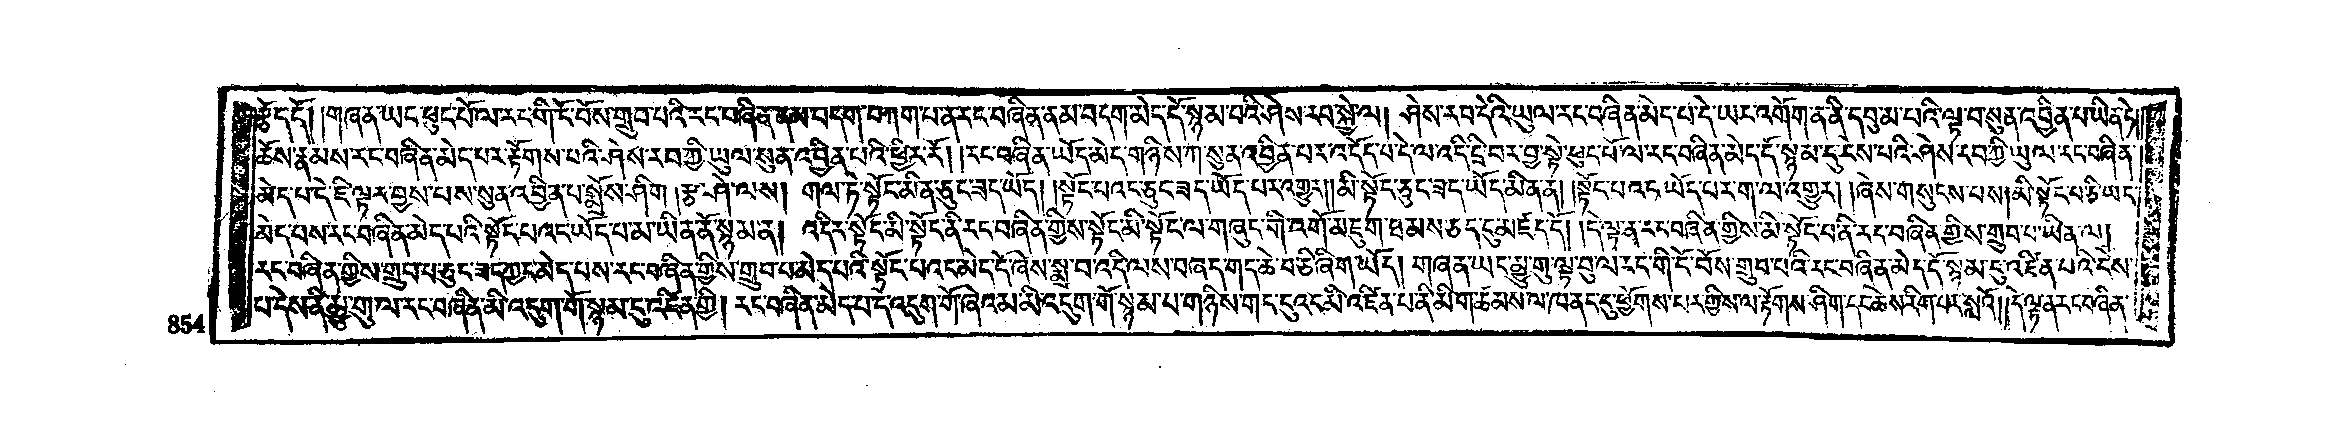རྩོད་དོ། །གཞན་ཡང་ཕུང་པོ་ལ་རང་གི་ངོ་བོས་གྲུབ་པའི་རང་བཞིན་ནམ་བདག་བཀག་པ་ན་རང་བཞིན་ནམ་བདག་མེད་དོ་སྙམ་པའི་ཤེས་རབ་སྐྱེ་ལ། ཤེས་རབ་དེའི་ཡུལ་རང་བཞིན་མེད་པ་དེ་ཡང་འགོག་ན་ནི་དབུ་མ་པའི་ལྟ་བ་སུན་འབྱིན་པ་ཡིན་ཏེ།
ཆོས་རྣམས་རང་བཞིན་མེད་པར་རྟོགས་པའི་ཤེས་རབ་ཀྱི་ཡུལ་སུན་འབྱིན་པའི་ཕྱིར་རོ། །རང་བཞིན་ཡོད་མེད་གཉིས་ཀ་སུན་འབྱིན་པར་འདོད་པ་དེ་ལ་འདི་དྲི་བར་བྱ་སྟེ་ཕུང་པོ་ལ་རང་བཞིན་མེད་དོ་སྙམ་དུ་ངེས་པའི་ཤེས་རབ་ཀྱི་ཡུལ་རང་བཞིན་
མེད་པ་དེ་ཇི་ལྟར་བྱས་པས་སུན་འབྱིན་པ་སྨྲོས་ཤིག །རྩ་ཤེ་ལས། གལ་ཏེ་སྟོང་མིན་ཅུང་ཟད་ཡོད། །སྟོང་པའང་ཅུང་ཟད་ཡོད་པར་འགྱུར། །མི་སྟོང་ཅུང་ཟད་ཡོད་མིན་ན། །སྟོང་པའང་ཡོད་པར་ག་ལ་འགྱུར། །ཞེས་གསུངས་པས། མི་སྟོང་པ་ཅི་ཡང་
མེད་པས་རང་བཞིན་མེད་པའི་སྟོང་པའང་ཡོད་པ་མ་ཡིན་ནོ་སྙམ་ན། འདིར་སྟོང་མི་སྟོང་ནི་རང་བཞིན་གྱིས་སྟོང་མི་སྟོང་ལ་གཞུང་གི་འགོ་མཇུག་ཐམས་ཅད་དུ་མཛད་དོ། །དེ་ལྟ་ན་རང་བཞིན་གྱིས་མི་སྟོང་པ་ནི་རང་བཞིན་གྱིས་གྲུབ་པ་ཡིན་ལ།
རང་བཞིན་གྱིས་གྲུབ་པ་ཅུང་ཟད་ཀྱང་མེད་པས་རང་བཞིན་གྱིས་གྲུབ་པ་མེད་པའི་སྟོང་པའང་མེད་དོ་ཞེས་སྨྲ་བ་འདི་ལས་བཞད་གད་ཆེ་བ་ཅི་ཞིག་ཡོད། གཞན་ཡང་མྱུ་གུ་ལྟ་བུ་ལ་རང་གི་ངོ་བོས་གྲུབ་པའི་རང་བཞིན་མེད་དོ་སྙམ་དུ་འཛིན་པའི་ངེས་
པ་དེས་ནི་མྱུ་གུ་ལ་རང་བཞིན་མི་འདུག་གོ་སྙམ་དུ་འཛིན་གྱི། རང་བཞིན་མེད་པ་དེ་འདུག་གོ་ཞེའམ་མི་འདུག་གོ་སྙམ་པ་གཉིས་གང་དུའང་མི་འཛིན་པ་ནི་མིག་ཚུམས་ལ་ཁ་ནང་དུ་ཕྱོགས་པར་གྱིས་ལ་རྟོགས་ཤིག་དང་ཆེས་རིག་པར་སླའོ། །དེ་ལྟ་ན་རང་བཞིན་